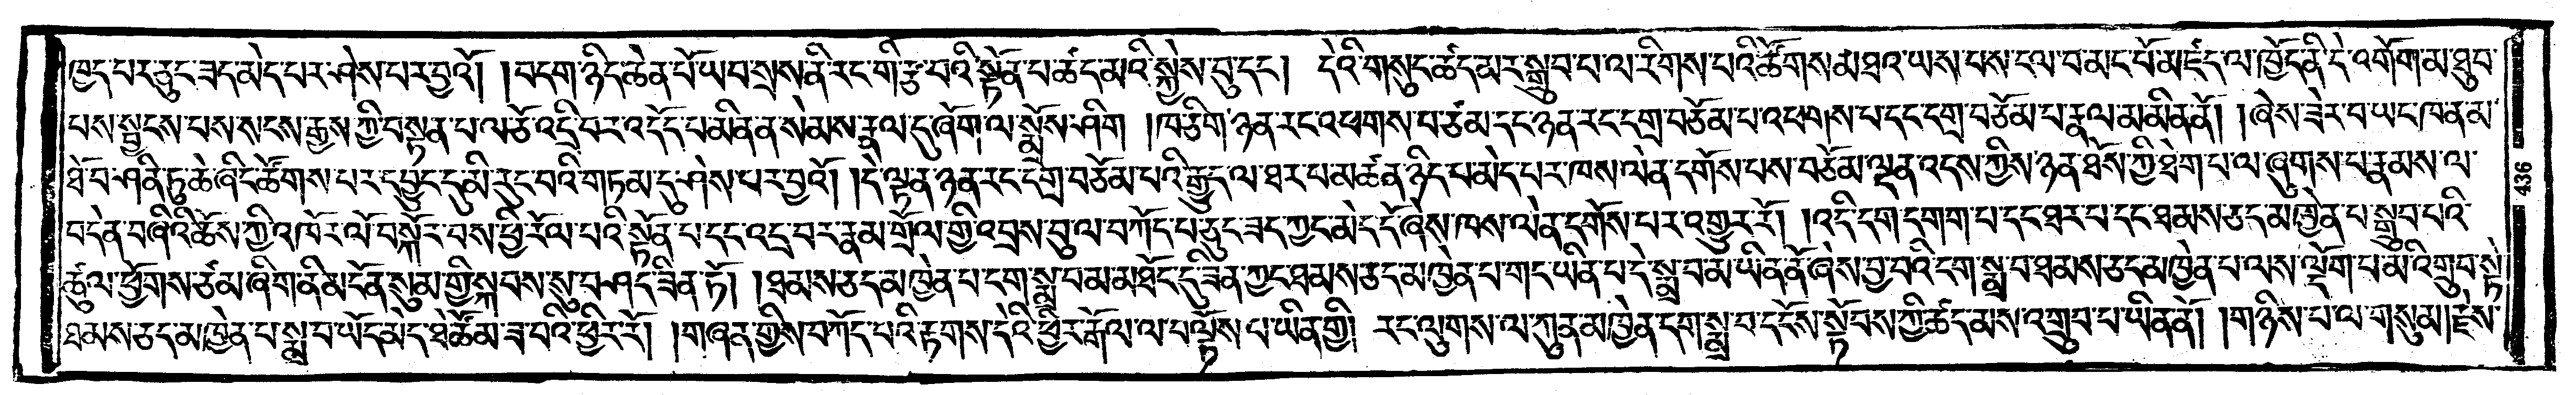ཁྱད་པར་ཅུང་ཟད་མེད་པར་ཤེས་པར་བྱའོ། །བདག་ཉིད་ཆེན་པོ་ཡབ་སྲས་ནི་རང་གི་རྩ་བའི་སྟོན་པ་ཚད་མའི་སྐྱེས་བུ་དང་། དེའི་གསུང་ཚད་མར་སྒྲུབ་པ་ལ་རིགས་པའི་ཚོགས་མཐའ་ཡས་པས་ངལ་བ་མང་པོ་མཛད་ལ་ཁྱོད་ནི་དེ་འགོག་མ་ཐུབ་
པས་སྦྱངས་པས་སངས་རྒྱས་ཀྱི་བསྟན་པ་ལ་ཅོ་འདྲི་བར་འདོད་པ་མིན་ན་སེམས་རྣལ་དུ་ཞོག་ལ་སྨྲོས་ཤིག །ཁ་ཅིག་ཉན་རང་འཕགས་པ་ཙམ་དང་ཉན་རང་དགྲ་བཅོམ་པ་འཕགས་པ་དང་དགྲ་བཅོམ་པ་རྣལ་མ་མིན་ནོ། །ཞེས་ཟེར་བ་ཡང་ཁ་ན་མ་
ཐོ་བ་ཤིན་ཏུ་ཆེ་ཞིང་ཚོགས་པར་དབྱུང་དུ་མི་རུང་བའི་གཏམ་དུ་ཤེས་པར་བྱའོ། །དེ་ལྟ་ན་ཉན་རང་དགྲ་བཅོམ་པའི་རྒྱུད་ལ་ཐར་པ་མཚན་ཉིད་པ་མེད་པར་ཁས་ལེན་དགོས་པས་བཅོམ་ལྡན་འདས་ཀྱིས་ཉན་ཐོས་ཀྱི་ཐེག་པ་ལ་ཞུགས་པ་རྣམས་ལ་
བདེན་བཞིའི་ཆོས་ཀྱི་འཁོར་ལོ་བསྐོར་བས་ཕྱི་རོལ་བའི་སྟོན་པ་དང་འདྲ་བར་རྣམ་གྲོལ་གྱི་འབྲས་བུ་ལ་བཀོད་པ་ཅུང་ཟད་ཀྱང་མེད་དོ་ཞེས་ཁས་ལེན་དགོས་པར་འགྱུར་རོ། །འདི་དག་དགག་པ་དང་ཐར་པ་དང་ཐམས་ཅད་མཁྱེན་པ་སྒྲུབ་པའི་
ཚུལ་ཕྱོགས་ཙམ་ཞིག་ནི་མངོན་སུམ་གྱི་སྐབས་སུ་བཤད་ཟིན་ཏོ། །ཐམས་ཅད་མཁྱེན་པ་ངག་སྨྲ་བ་མ་མཐོང་དུ་ཟིན་ཀྱང་ཐམས་ཅད་མཁྱེན་པ་གང་ཡིན་པ་དེ་སྨྲ་བ་མ་ཡིན་ནོ་ཞེས་བྱ་བའི་ངག་སྨྲ་བ་ཐམས་ཅད་མཁྱེན་པ་ལས་ལྡོག་པ་མི་འགྲུབ་སྟེ་
ཐམས་ཅད་མཁྱེན་པ་སྨྲ་བ་ཡོད་མེད་ཐེ་ཚོམ་ཟ་བའི་ཕྱིར་རོ། །གཞན་གྱིས་བཀོད་པའི་རྟགས་དེའི་ཕྱིར་རྒོལ་ལ་བལྟོས་པ་ཡིན་གྱི། རང་ལུགས་ལ་ཀུན་མཁྱེན་དག་སྨྲ་བ་དངོས་སྟོབས་ཀྱི་ཚད་མས་འགྲུབ་པ་ཡིན་ནོ། །གཉིས་པ་ལ་གསུམ། རྗེས་